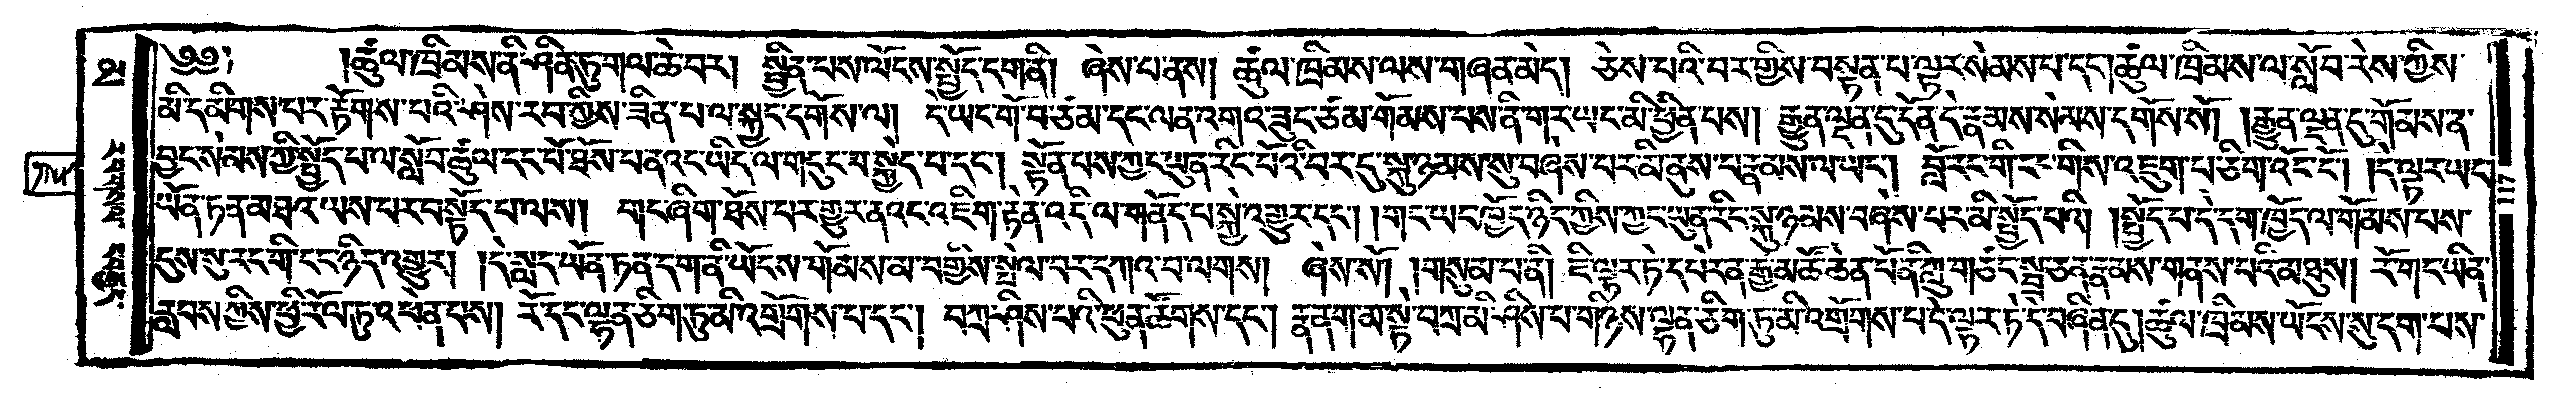༄༅། །ཚུལ་ཁྲིམས་ནི་ཤིན་ཏུ་གལ་ཆེ་བར། སྦྱིན་པས་ལོངས་སྤྱོད་དག་ནི། ཞེས་པ་ནས། ཚུལ་ཁྲིམས་ལས་གཞན་མེད། ཅེས་པའི་བར་གྱིས་བསྟན་པ་ལྟར་སེམས་པ་དང་། ཚུལ་ཁྲིམས་ལ་སློབ་རེས་ཀྱིས་
མི་དམིགས་པར་རྟོགས་པའི་ཤེས་རབ་ཀྱིས་ཟིན་པ་ལ་སྦྱང་དགོས་ལ། དེ་ཡང་གོ་བ་ཙམ་དང་ལན་འགའ་ཟུང་ཙམ་གོམས་པས་ནི་གར་ཡང་མི་ཕྱིན་པས། རྒྱུན་ལྡན་དུ་དོན་དེ་རྣམས་སེམས་དགོས་སོ། །རྒྱུན་ལྡན་དུ་གོམས་ན་
བྱང་སེམས་ཀྱི་སྤྱོད་པ་ལ་སློབ་ཚུལ་དང་པོ་ཐོས་པ་ནའང་ཡིད་ལ་གདུང་བ་སྐྱེད་པ་དང་། སྟོན་པས་ཀྱང་ཡུན་རིང་པོའི་བར་དུ་སྐུ་ཉམས་སུ་བཞེས་པར་མི་ནུས་པ་རྣམས་ལ་ཡང་། བློ་རང་གི་ངང་གིས་འཇུག་པ་ཅིག་འོང་ངོ། །དེ་ལྟར་ཡང་
ཡོན་ཏན་མཐའ་ཡས་པར་བསྟོད་པ་ལས། གང་ཞིག་ཐོས་པར་གྱུར་ནའང་འཇིག་རྟེན་འདི་ལ་གནོད་པ་སྐྱེ་འགྱུར་དང་། །གང་ཡང་ཁྱོད་ཉིད་ཀྱིས་ཀྱང་ཡུན་རིང་སྐུ་ཉམས་བཞེས་པར་མི་སྤྱོད་པའི། །སྤྱོད་པ་དེ་དག་ཁྱོད་ལ་གོམས་པས་
དུས་སུ་རང་གི་ངང་ཉིད་འགྱུར། །དེ་སླད་ཡོན་ཏན་དག་ནི་ཡོངས་གོམས་མ་བགྱིས་སྤེལ་བར་དཀའ་བ་ལགས། ཞེས་སོ། །གསུམ་པ་ནི། ཇི་ལྟར་ཏེ་དཔེར་ན་རྒྱ་མཚོ་ཆེན་པོ་ནི་ཀླུ་གཙང་སྦྲ་ཅན་རྣམས་གནས་པའི་མཐུས། རོ་གང་ཡིན་
རླངས་ཀྱིས་ཕྱི་རོལ་ཏུ་འཕེན་པས། རོ་དང་ལྷན་ཅིག་ཏུ་མི་འགྲོགས་པ་དང་། བཀྲ་ཤིས་པའི་ཕུན་ཚོགས་དང་། རྣ་ནག་མ་སྟེ་བཀྲ་མི་ཤིས་པ་གཉིས་ལྷན་ཅིག་ཏུ་མེ་འགྲོགས་པ་དེ་ལྟར་ཏེ་དེ་བཞིན་དུ། ཚུལ་ཁྲིམས་ཡོངས་སུ་དག་པས་